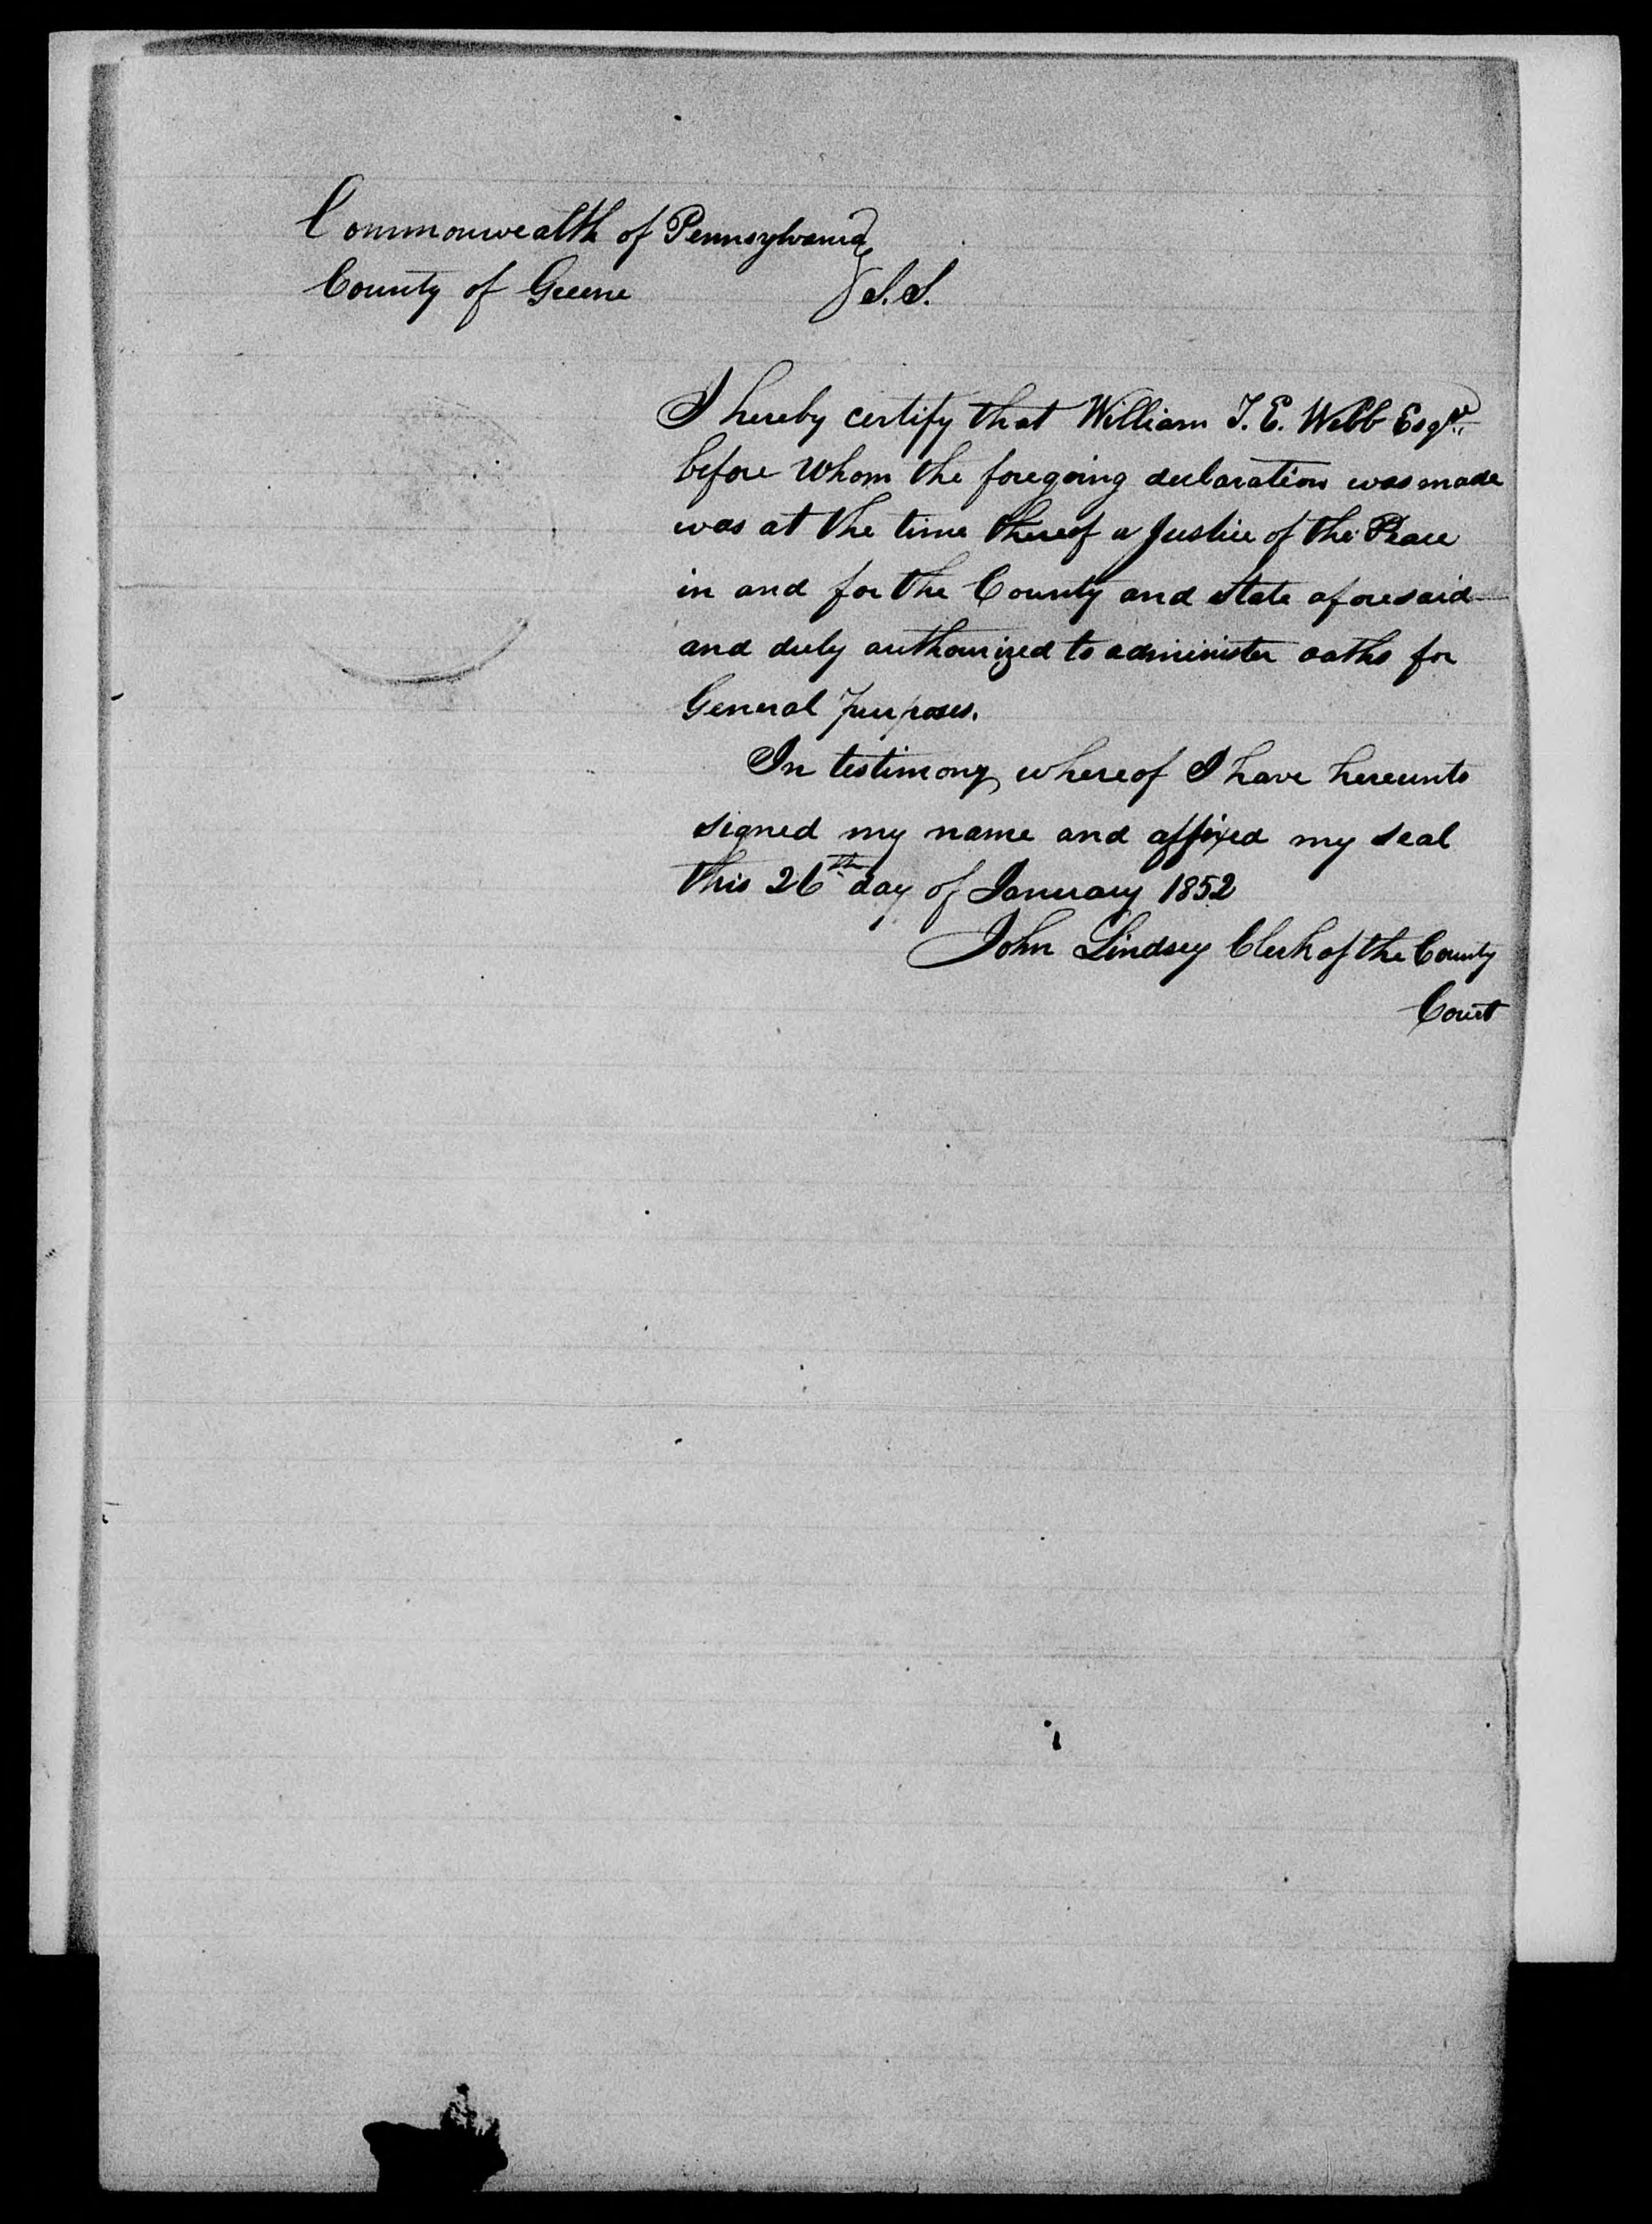Commonwealth of Pennsylvania
County of Greene S.S.
I hereby certify that William T.E. Webb Esqr
before whom the foregoing declaration was made
was at the time thereof a justice of the Peace
in and for the County and state aforesaid
and duly authorized to administer oaths for
General purposes.
In testimony thereof I have
signed my name and affixed my seal
This 26th day of January 1852
John Lindsey Clerk of the County
Court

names: John Lindsey, William T E Webb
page: 40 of 45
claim: widow's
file: W. 2734, Stephen Hetfield, New Jersey